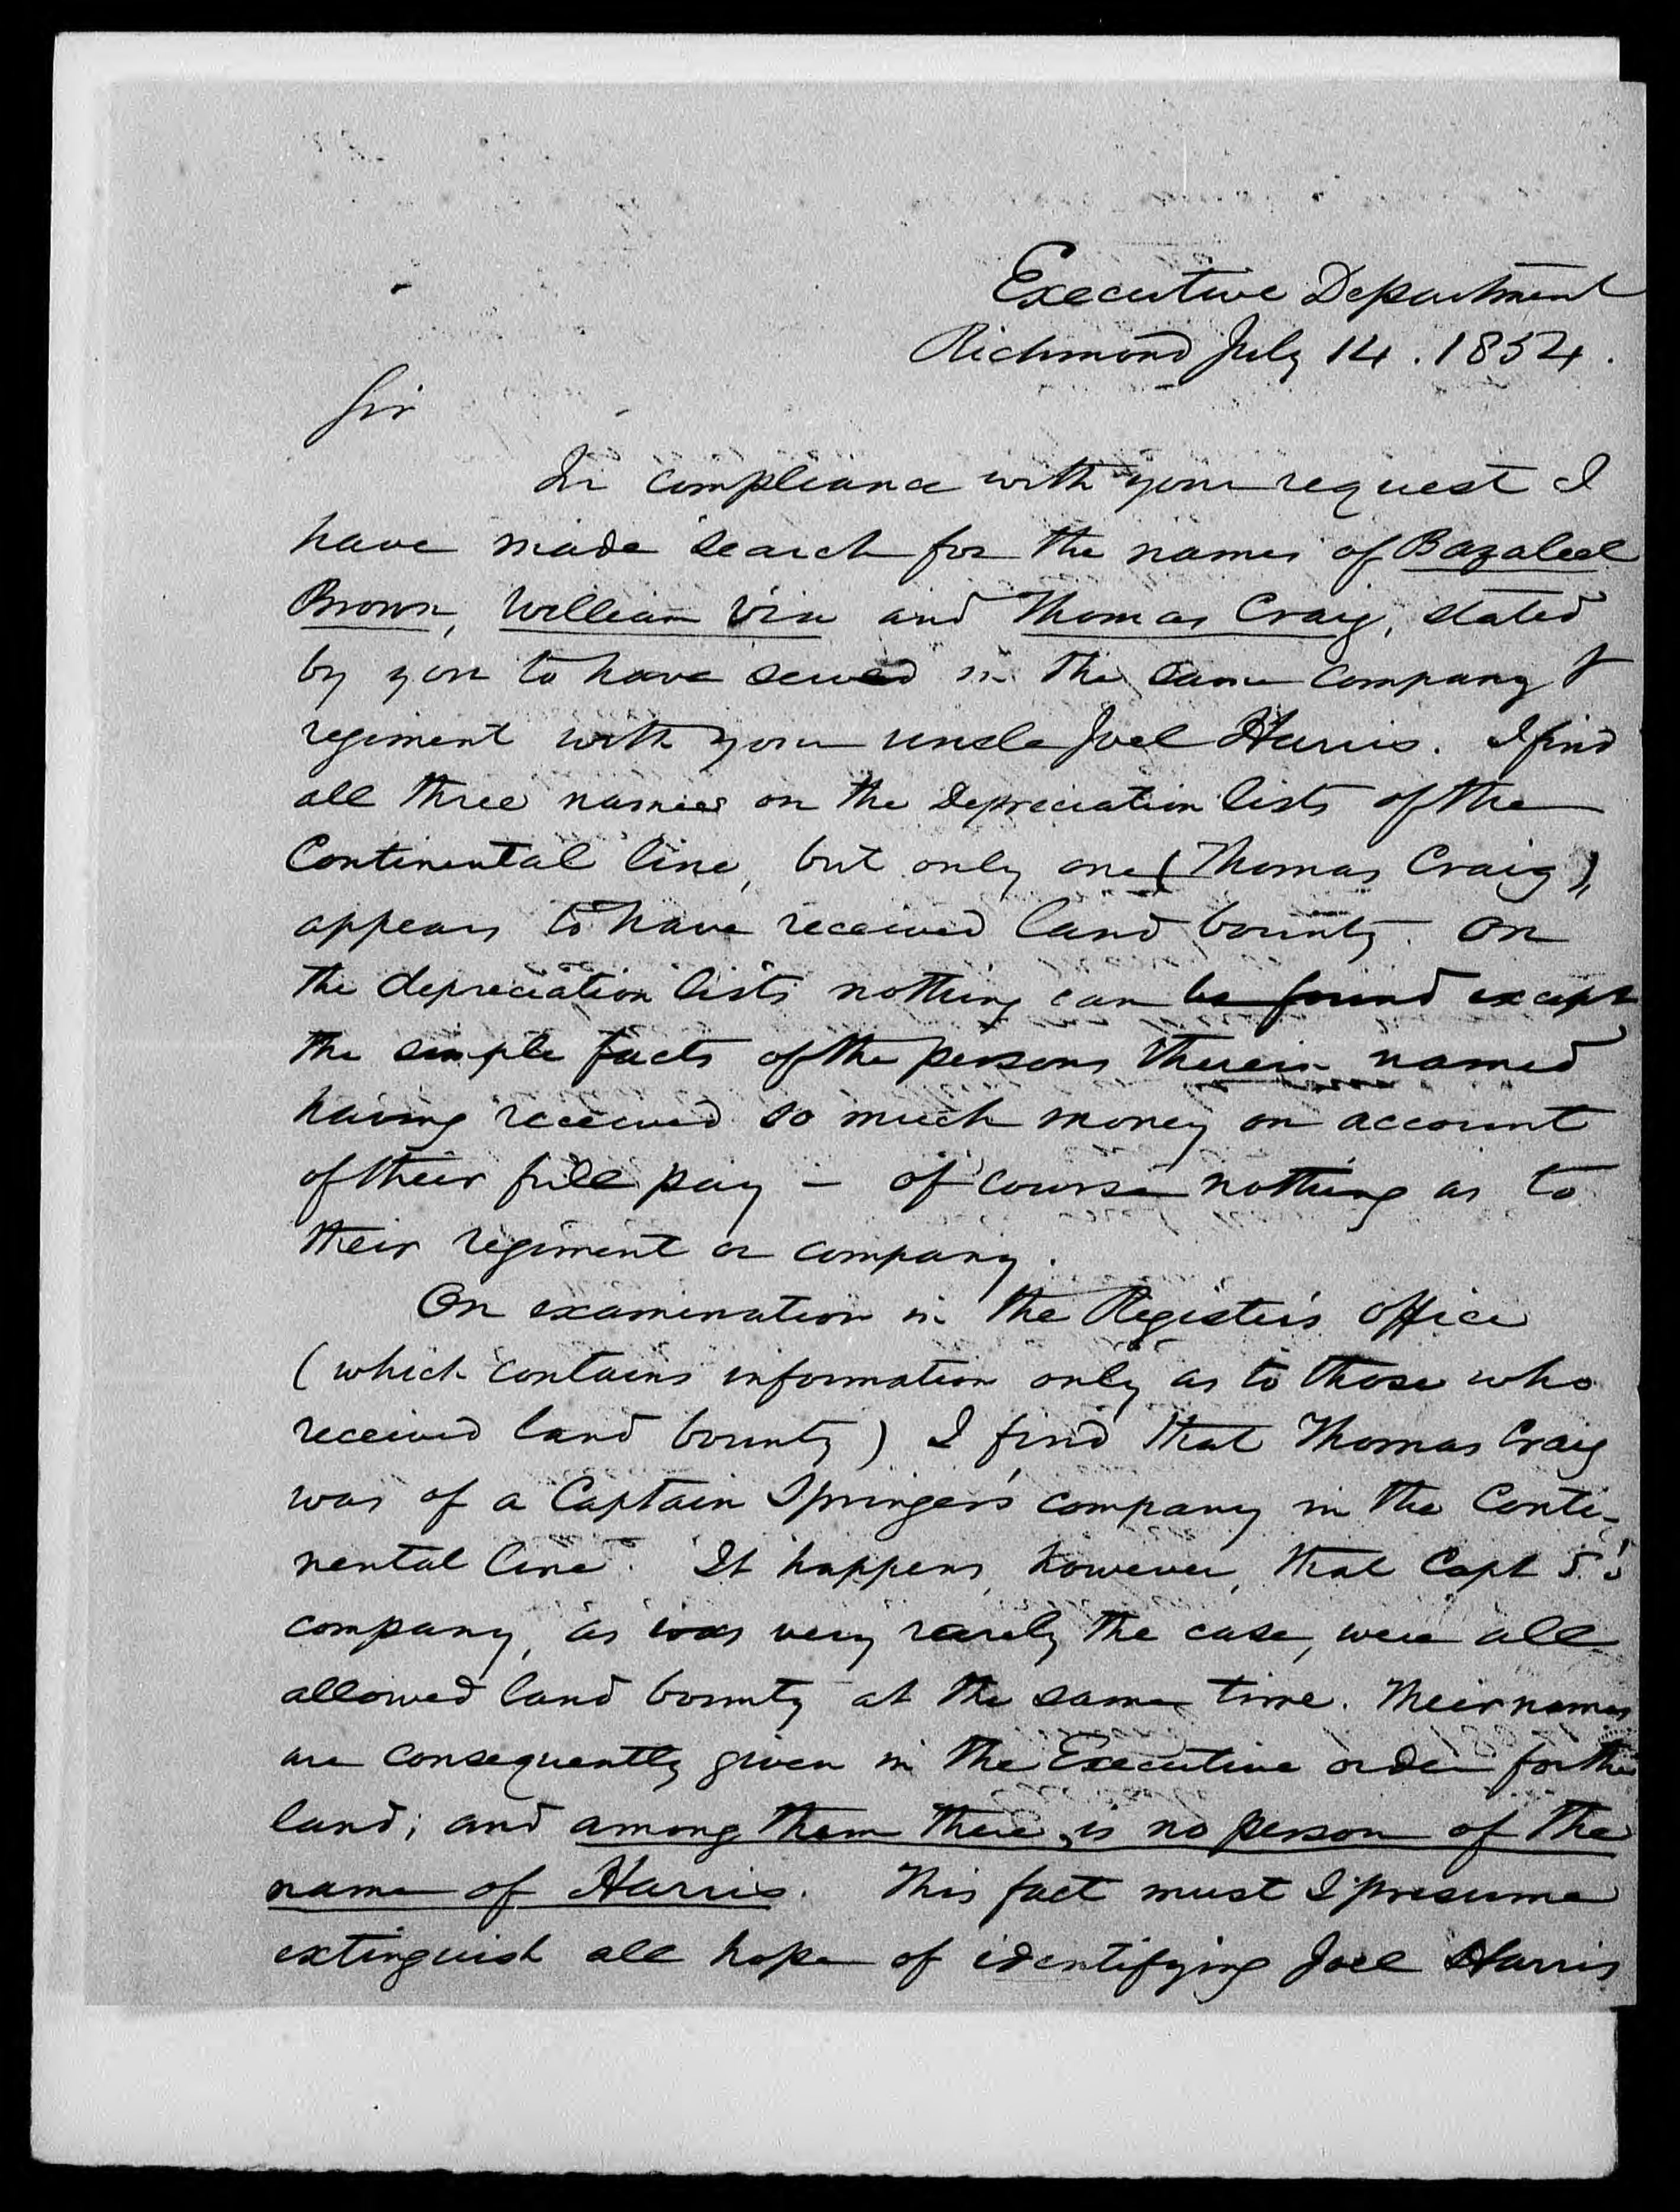Executive Department
Richmond July 14, 1854

Sir
In compliance with your request I have made search for the name of Bazaleel Brown, Willian Via, and Thomas Craig, stated by you to have served in the same company & regiment with your uncle Joel Harris.  If find all three names on the depreciation lists of the Continental line, but only one (Thomas Craig) appears to have received land bounty.  On the depreciation lists nothing can be found except the simple facts of the persons therein named having received so much money on account of their full pay--of course nothing as to their regiment or company.
On examination in the Register's Office (which contains information only as to those who received land bounty) I find that Thomas Craig was of a Captain Springer's company in the Continental line.  It happens, however, that Capt S.'s company, as was very rarely the case, were all allowed land bounty at the same time.  Their names are consequently given in The Executive order for the land, and among them there is no person of the name of Harris.  This fact must I presume extinguish all hope of identifying Joel Harris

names: Joel Harris, William Vise, Thomas Craig, Thomas Craig, Bazaleel Brown, Joel Harris, Harris, Thomas Cray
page: 149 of 160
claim: rejected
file: R. 4666, James Harris, Va.